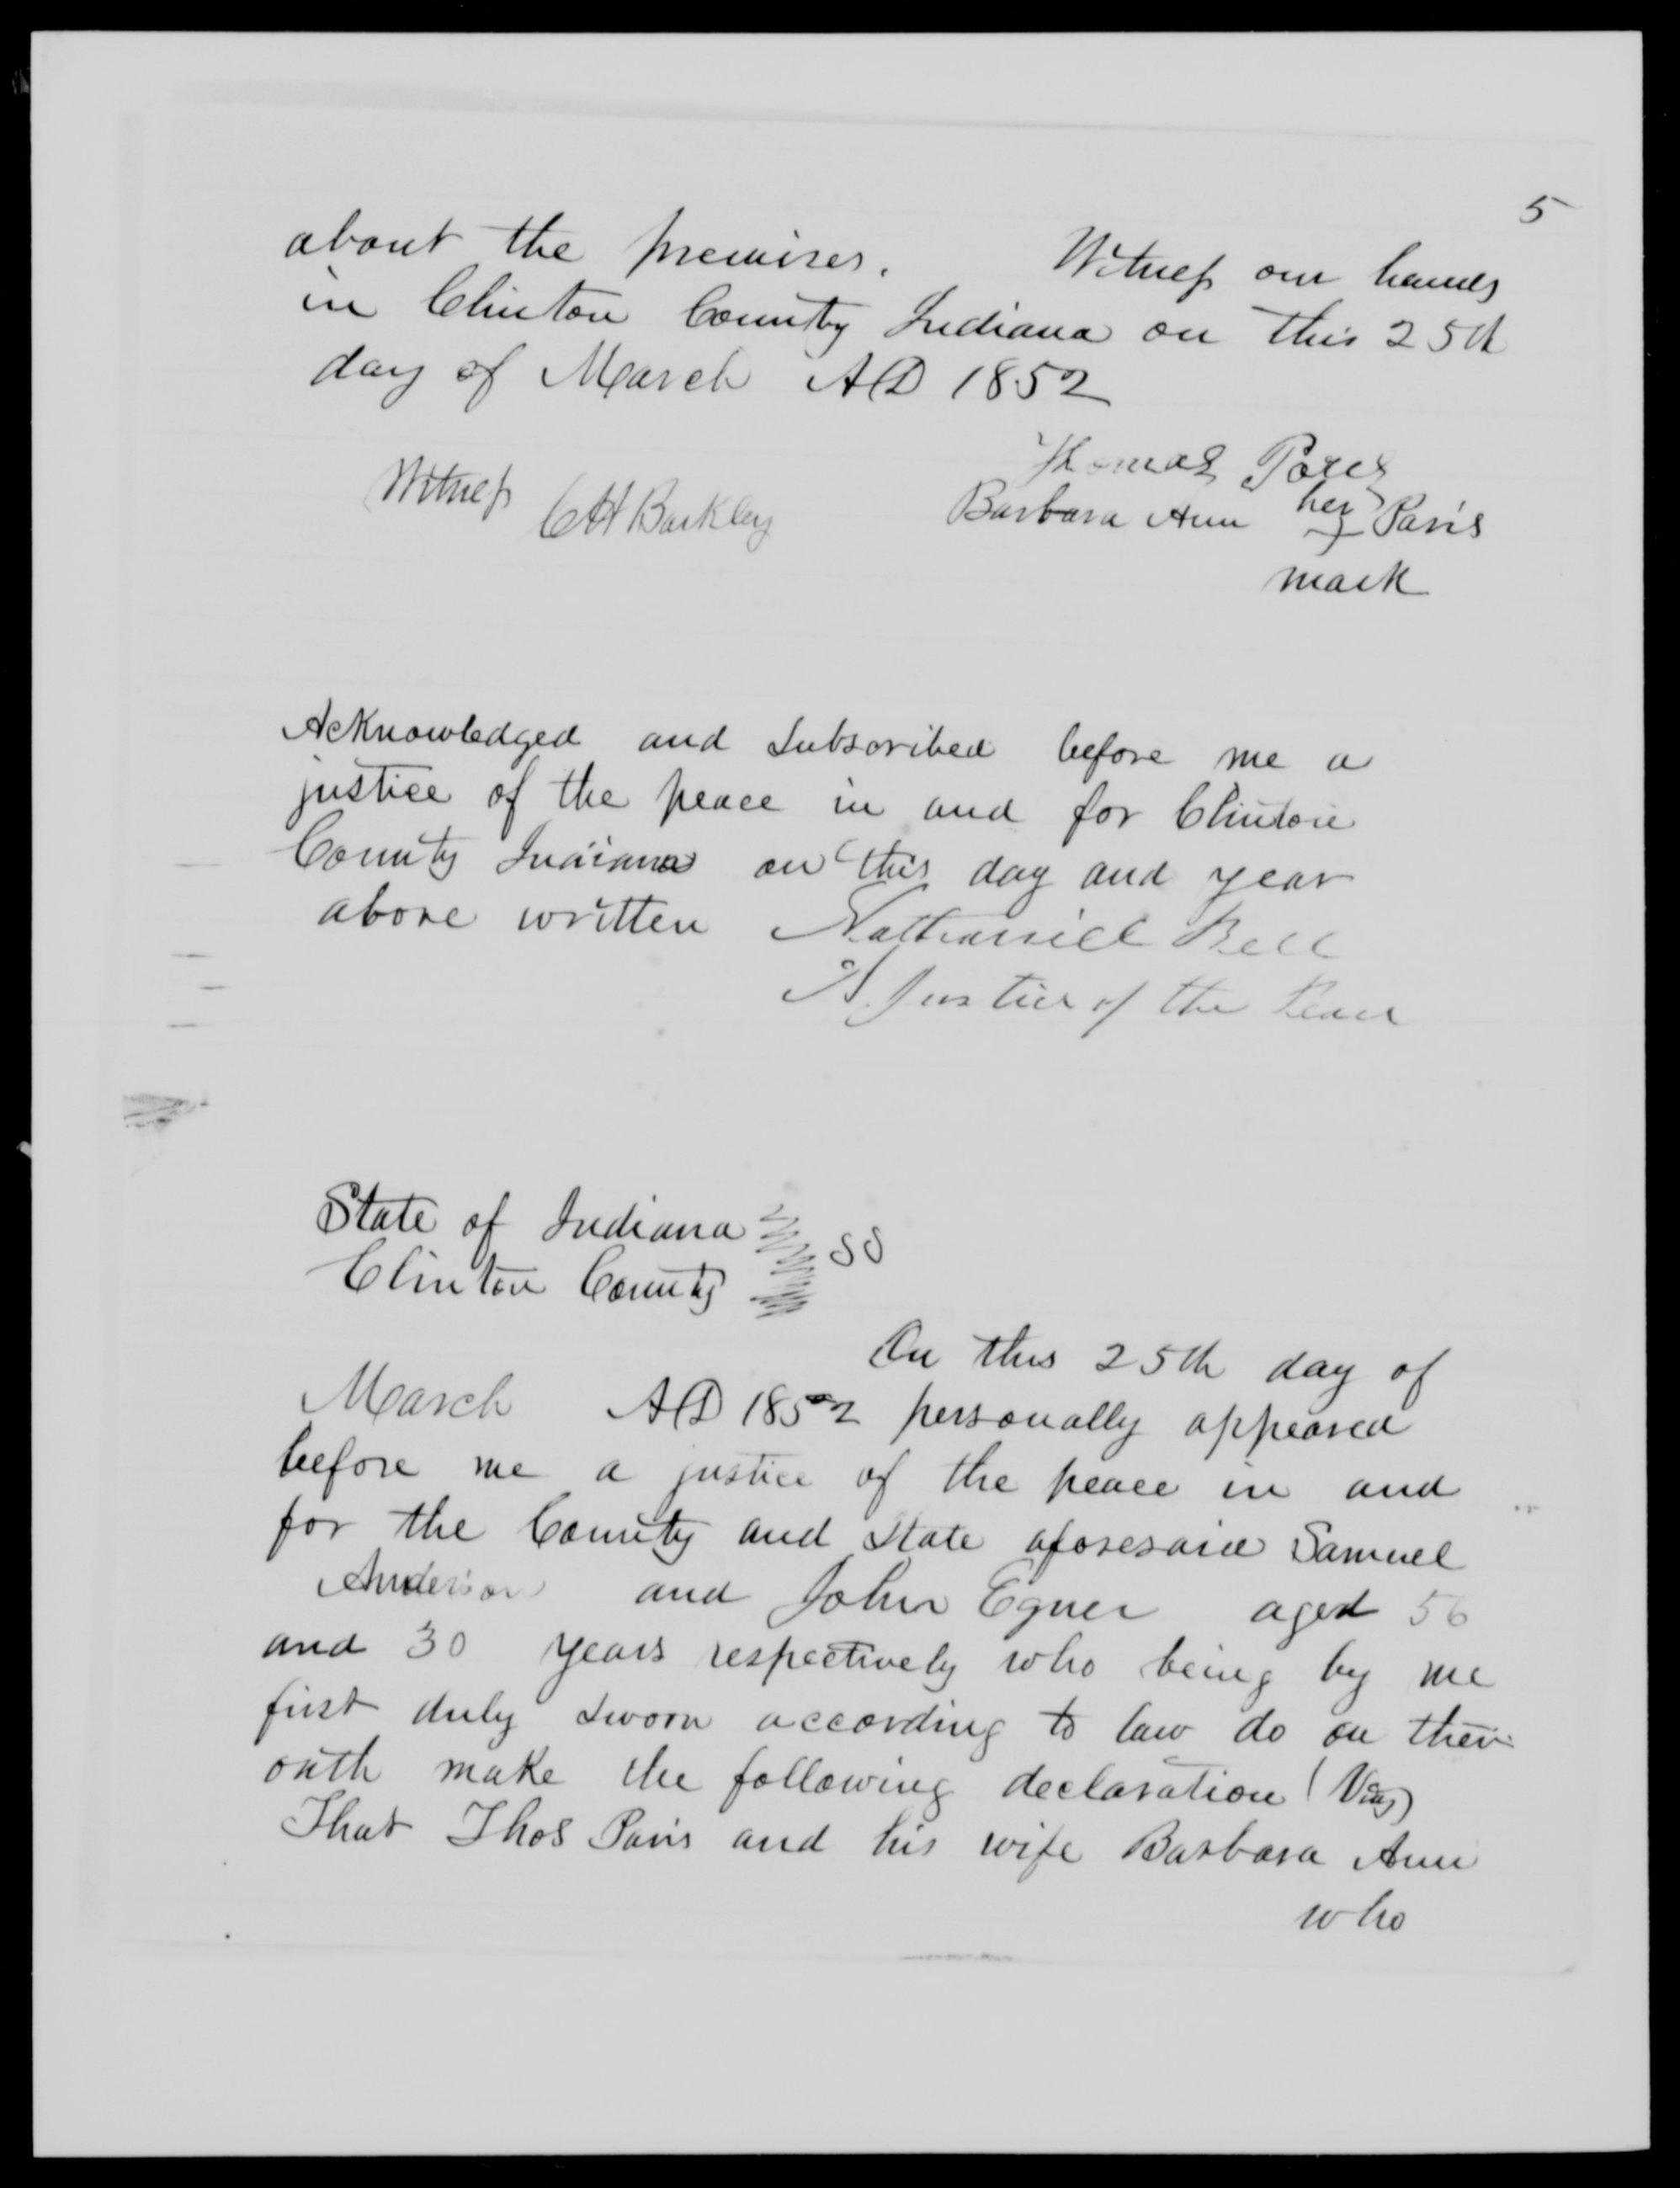5
about the premises. Witness our hands
in Clinton County Indiana on this 25th
day of March AD 1852
Thomas Paris
Barbara Ann her Paris mark
Witness C H Barkley

Acknowledged and subscribed before me a
justice of the peace in and for Clinton
County Indiana on this day and year
above written
Nathaniel Bell
A Justice of the Peace

State of Indiana Clinton County 
On this 25th day of March
AD 1852 personally appeared
before me a Justice of the peace in and
for the County and State aforesaid Samuel
Anderson and John Egner aged 56
and 30 years respectively who being by me
first duly sworn according to law do on their
oath make the following declaration (viz)
That Thos Pairs and his wife Barbara Ann
who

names: C H Barkley, Barbara Ann Paris, Thomas Paris, Samuel Anderson, Nathaniel Bell, John Egner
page: 92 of 123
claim: rejected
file: R. 11,949, Matthias Young, Md.